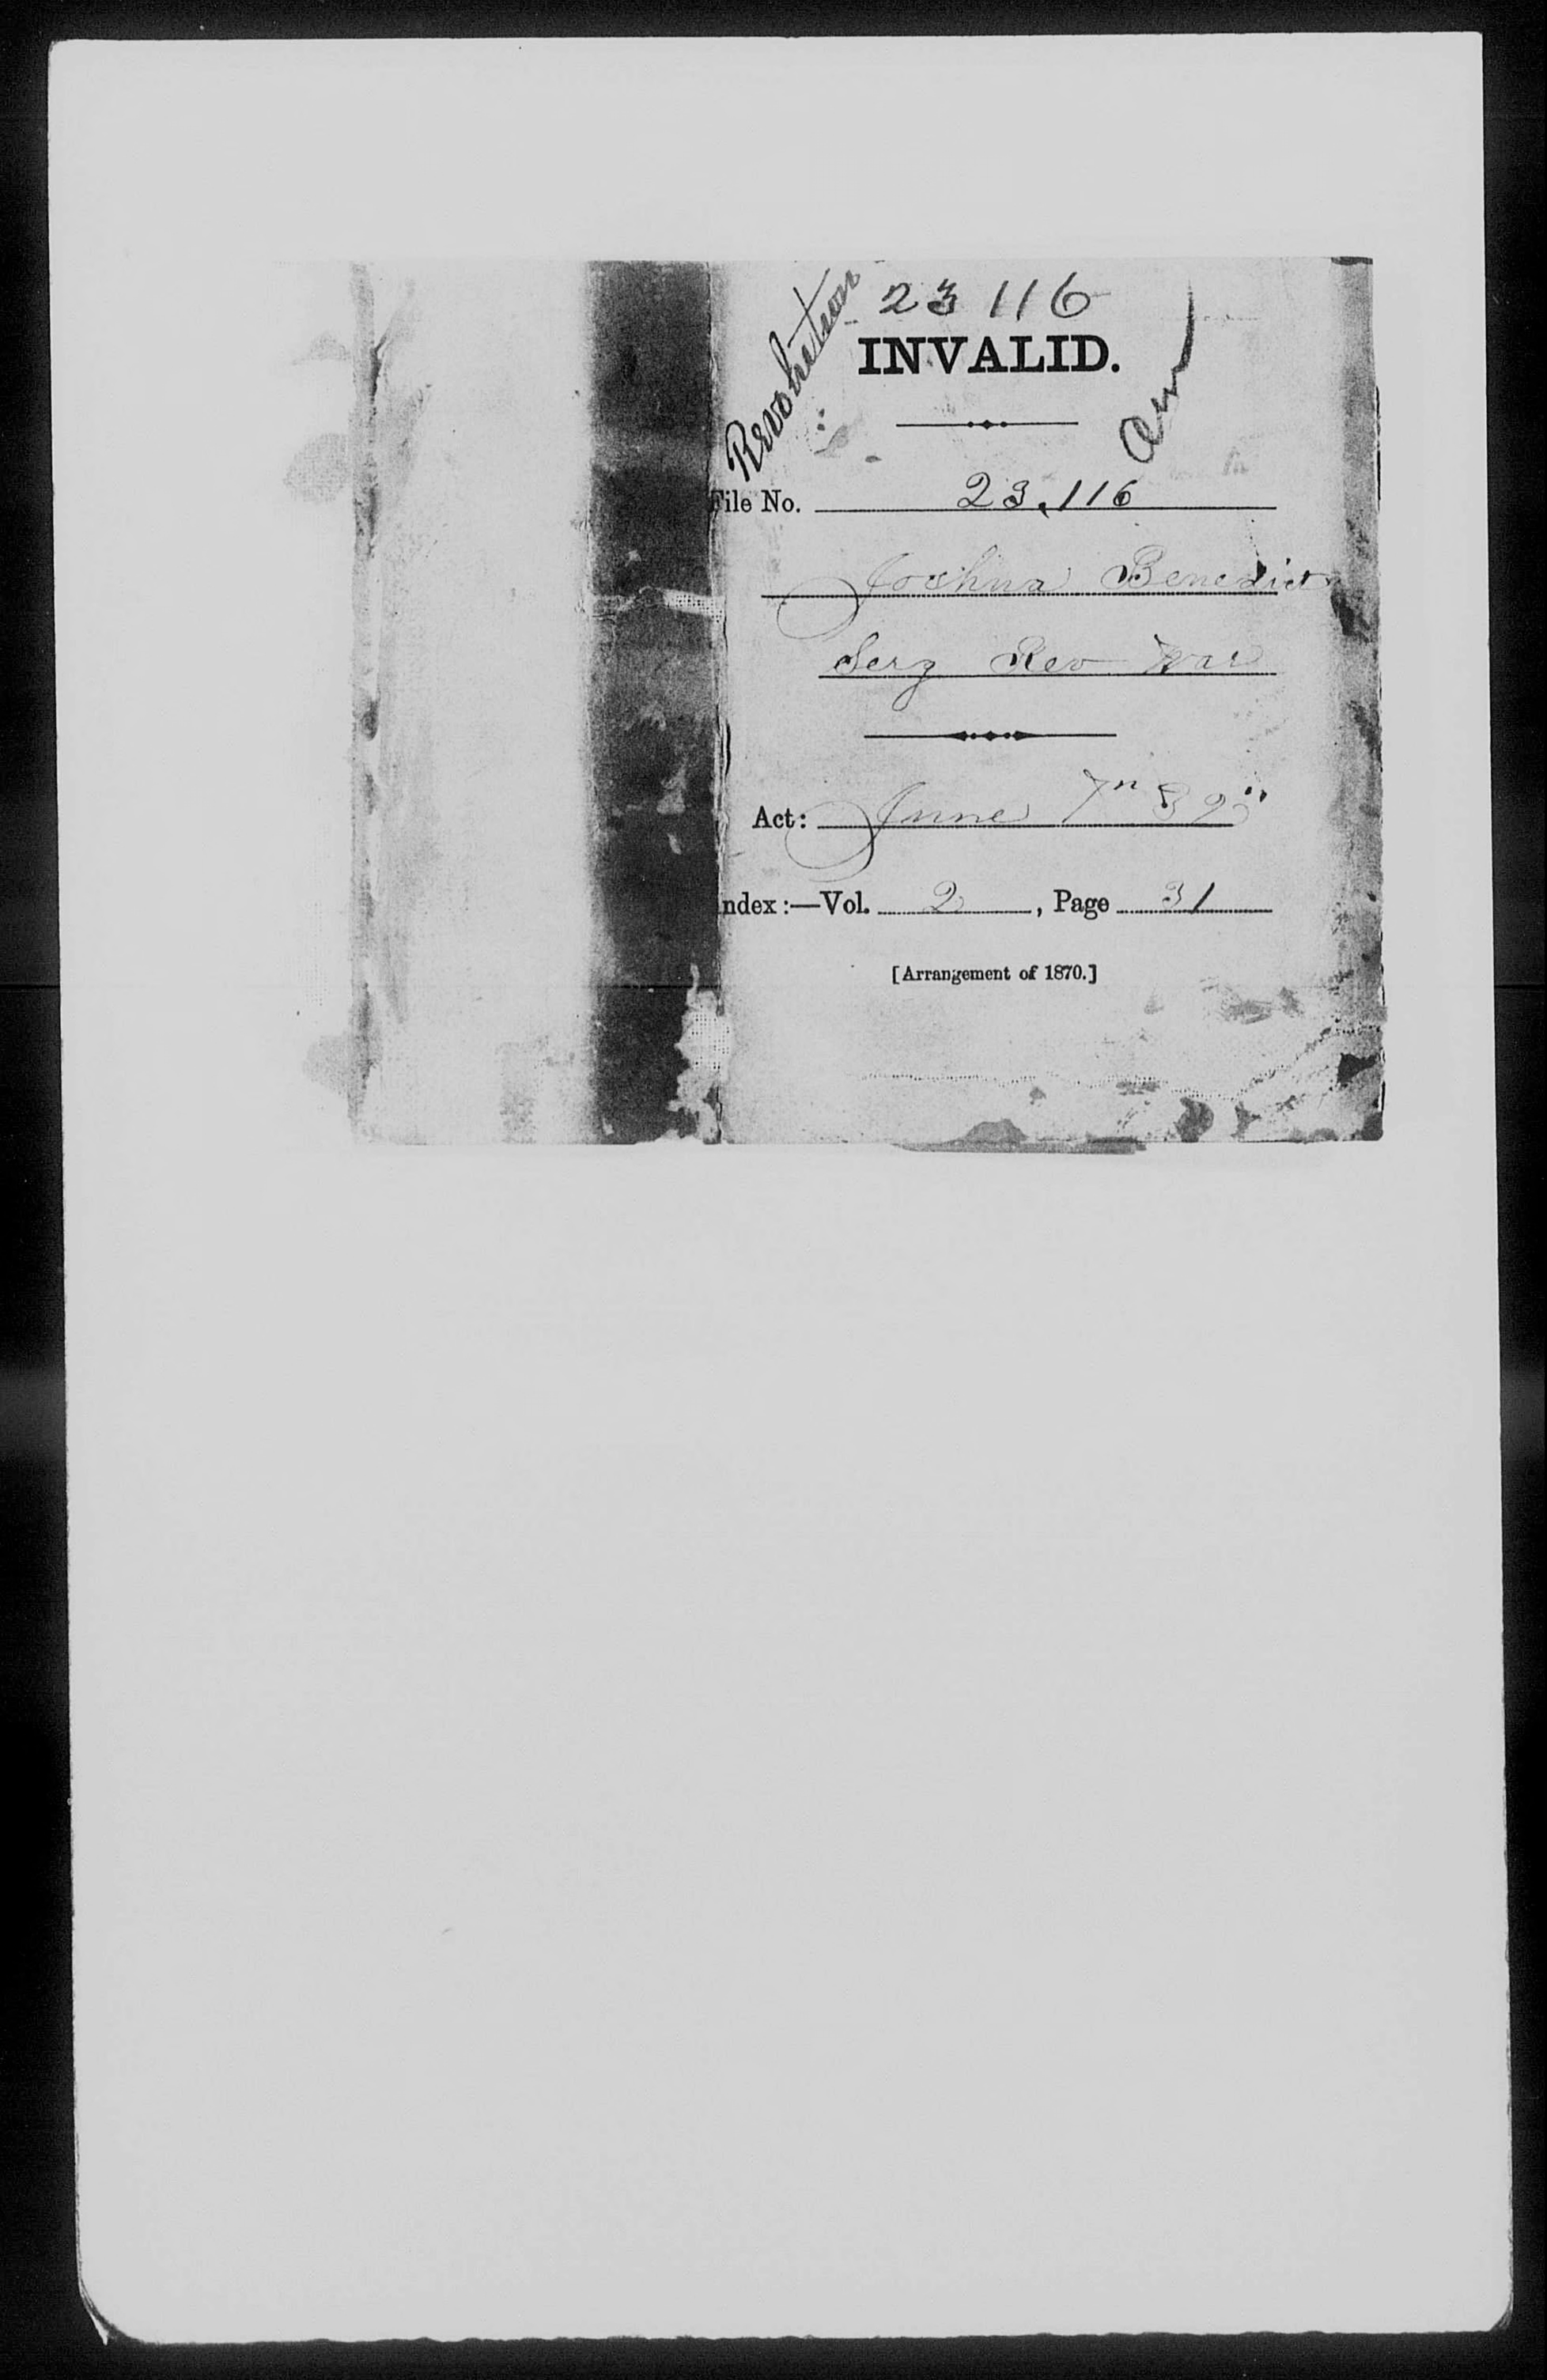Revolution
23 116
INVALID.
AW

File No. 23,116
Joshua Benedict
Serg Rev War

Act: June 7" 39"
Index:-Vol. 2, Page 31
[Arrangement of 1870.]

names: Joshua Benedict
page: 9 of 106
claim: survivor's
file: S 23,116., Joshua Benedict, Conn.